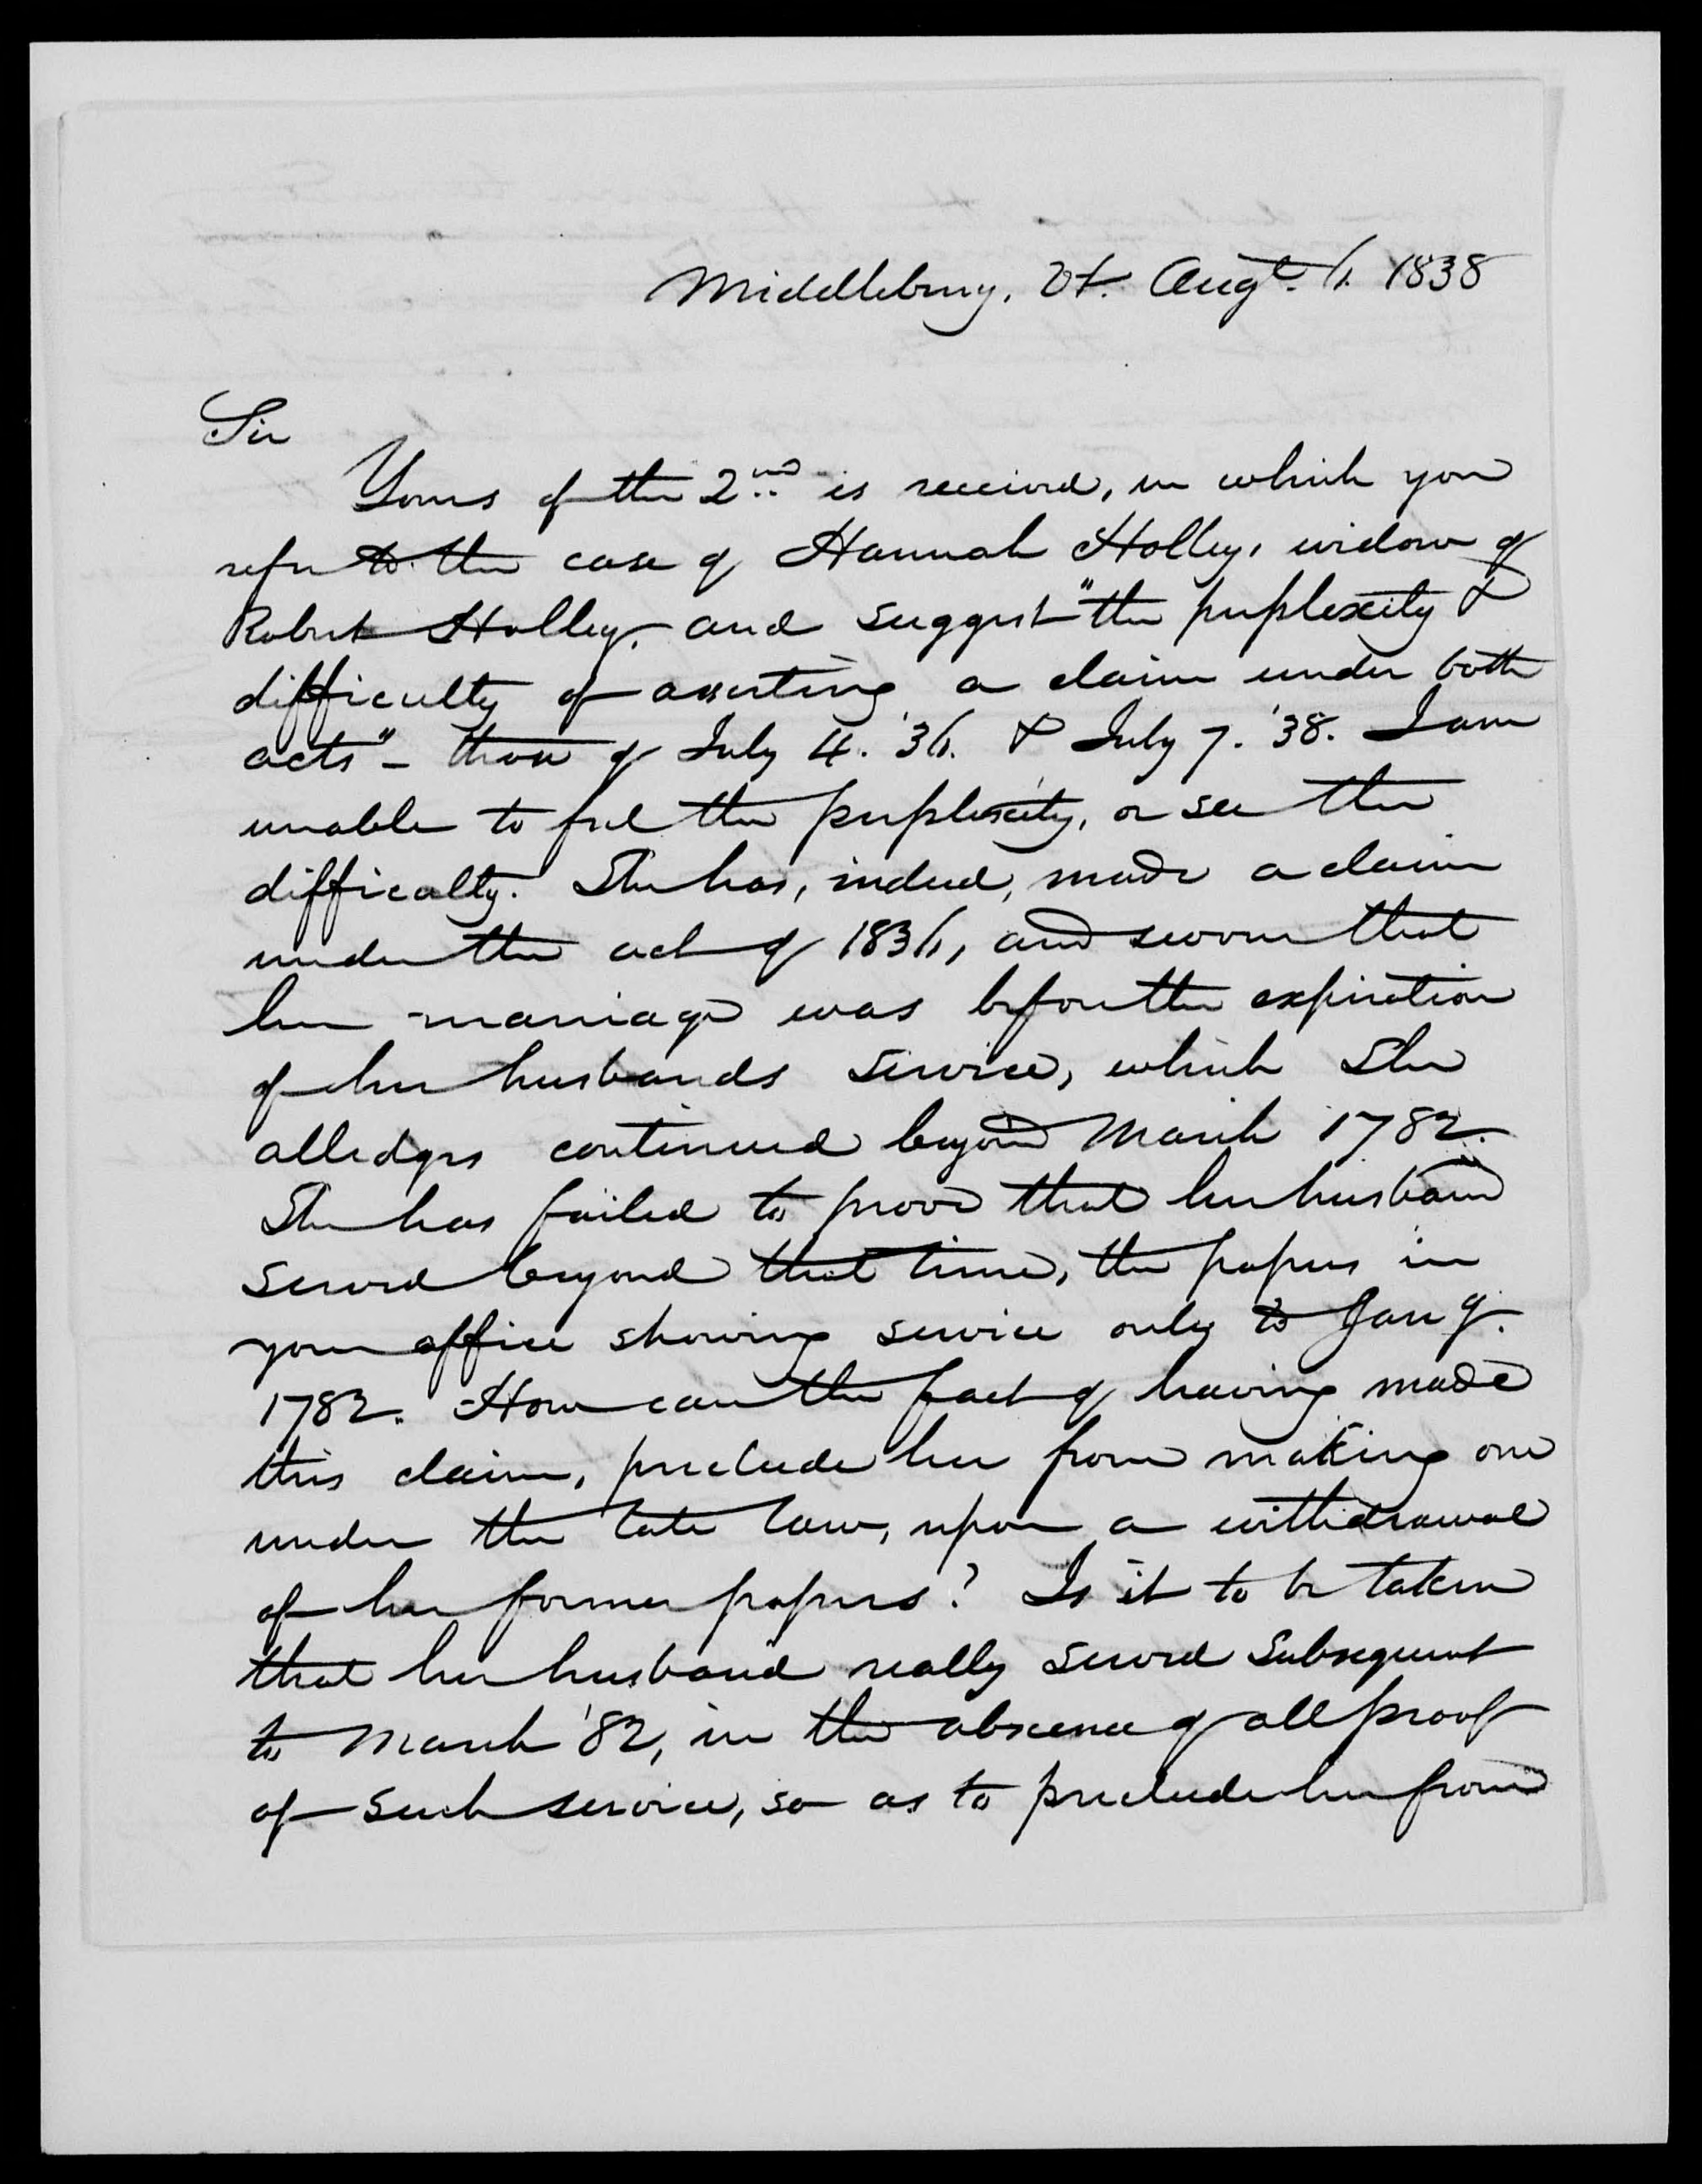Middlebury, Vt. Augt 1838
Sir,
Yours of the 2nd is received, in which you
refer to the case of Hannah Holley widow of
Robert Holley, and suggests the perplexity &
difficulty of getting a claim under both
acts - those of July 4.36 & July 7.38. I am
unable to feel the perplexity, or see the
difficulty. She has, indeed, made a claim
under the act of 1836, and sworn that
he marriage was before the expiration
of her husbands service, which she
alledges continued beyond March 1782.
She has failed to prove that her husband
served beyond that time, the papers in
your office showing service only to Jany
1782. How can the fact of having made
this claim, preclude her from making one
under the late law, upon a withdrawal
of her former papers? Is it to be taken
that her husband really served subsequent
to March 1822, in the absence of all proof
of such service, so as to preclude her from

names: Hannah Holley, Robert Holley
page: 27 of 62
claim: widow's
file: W. 21391, Robert Holley, Conn.